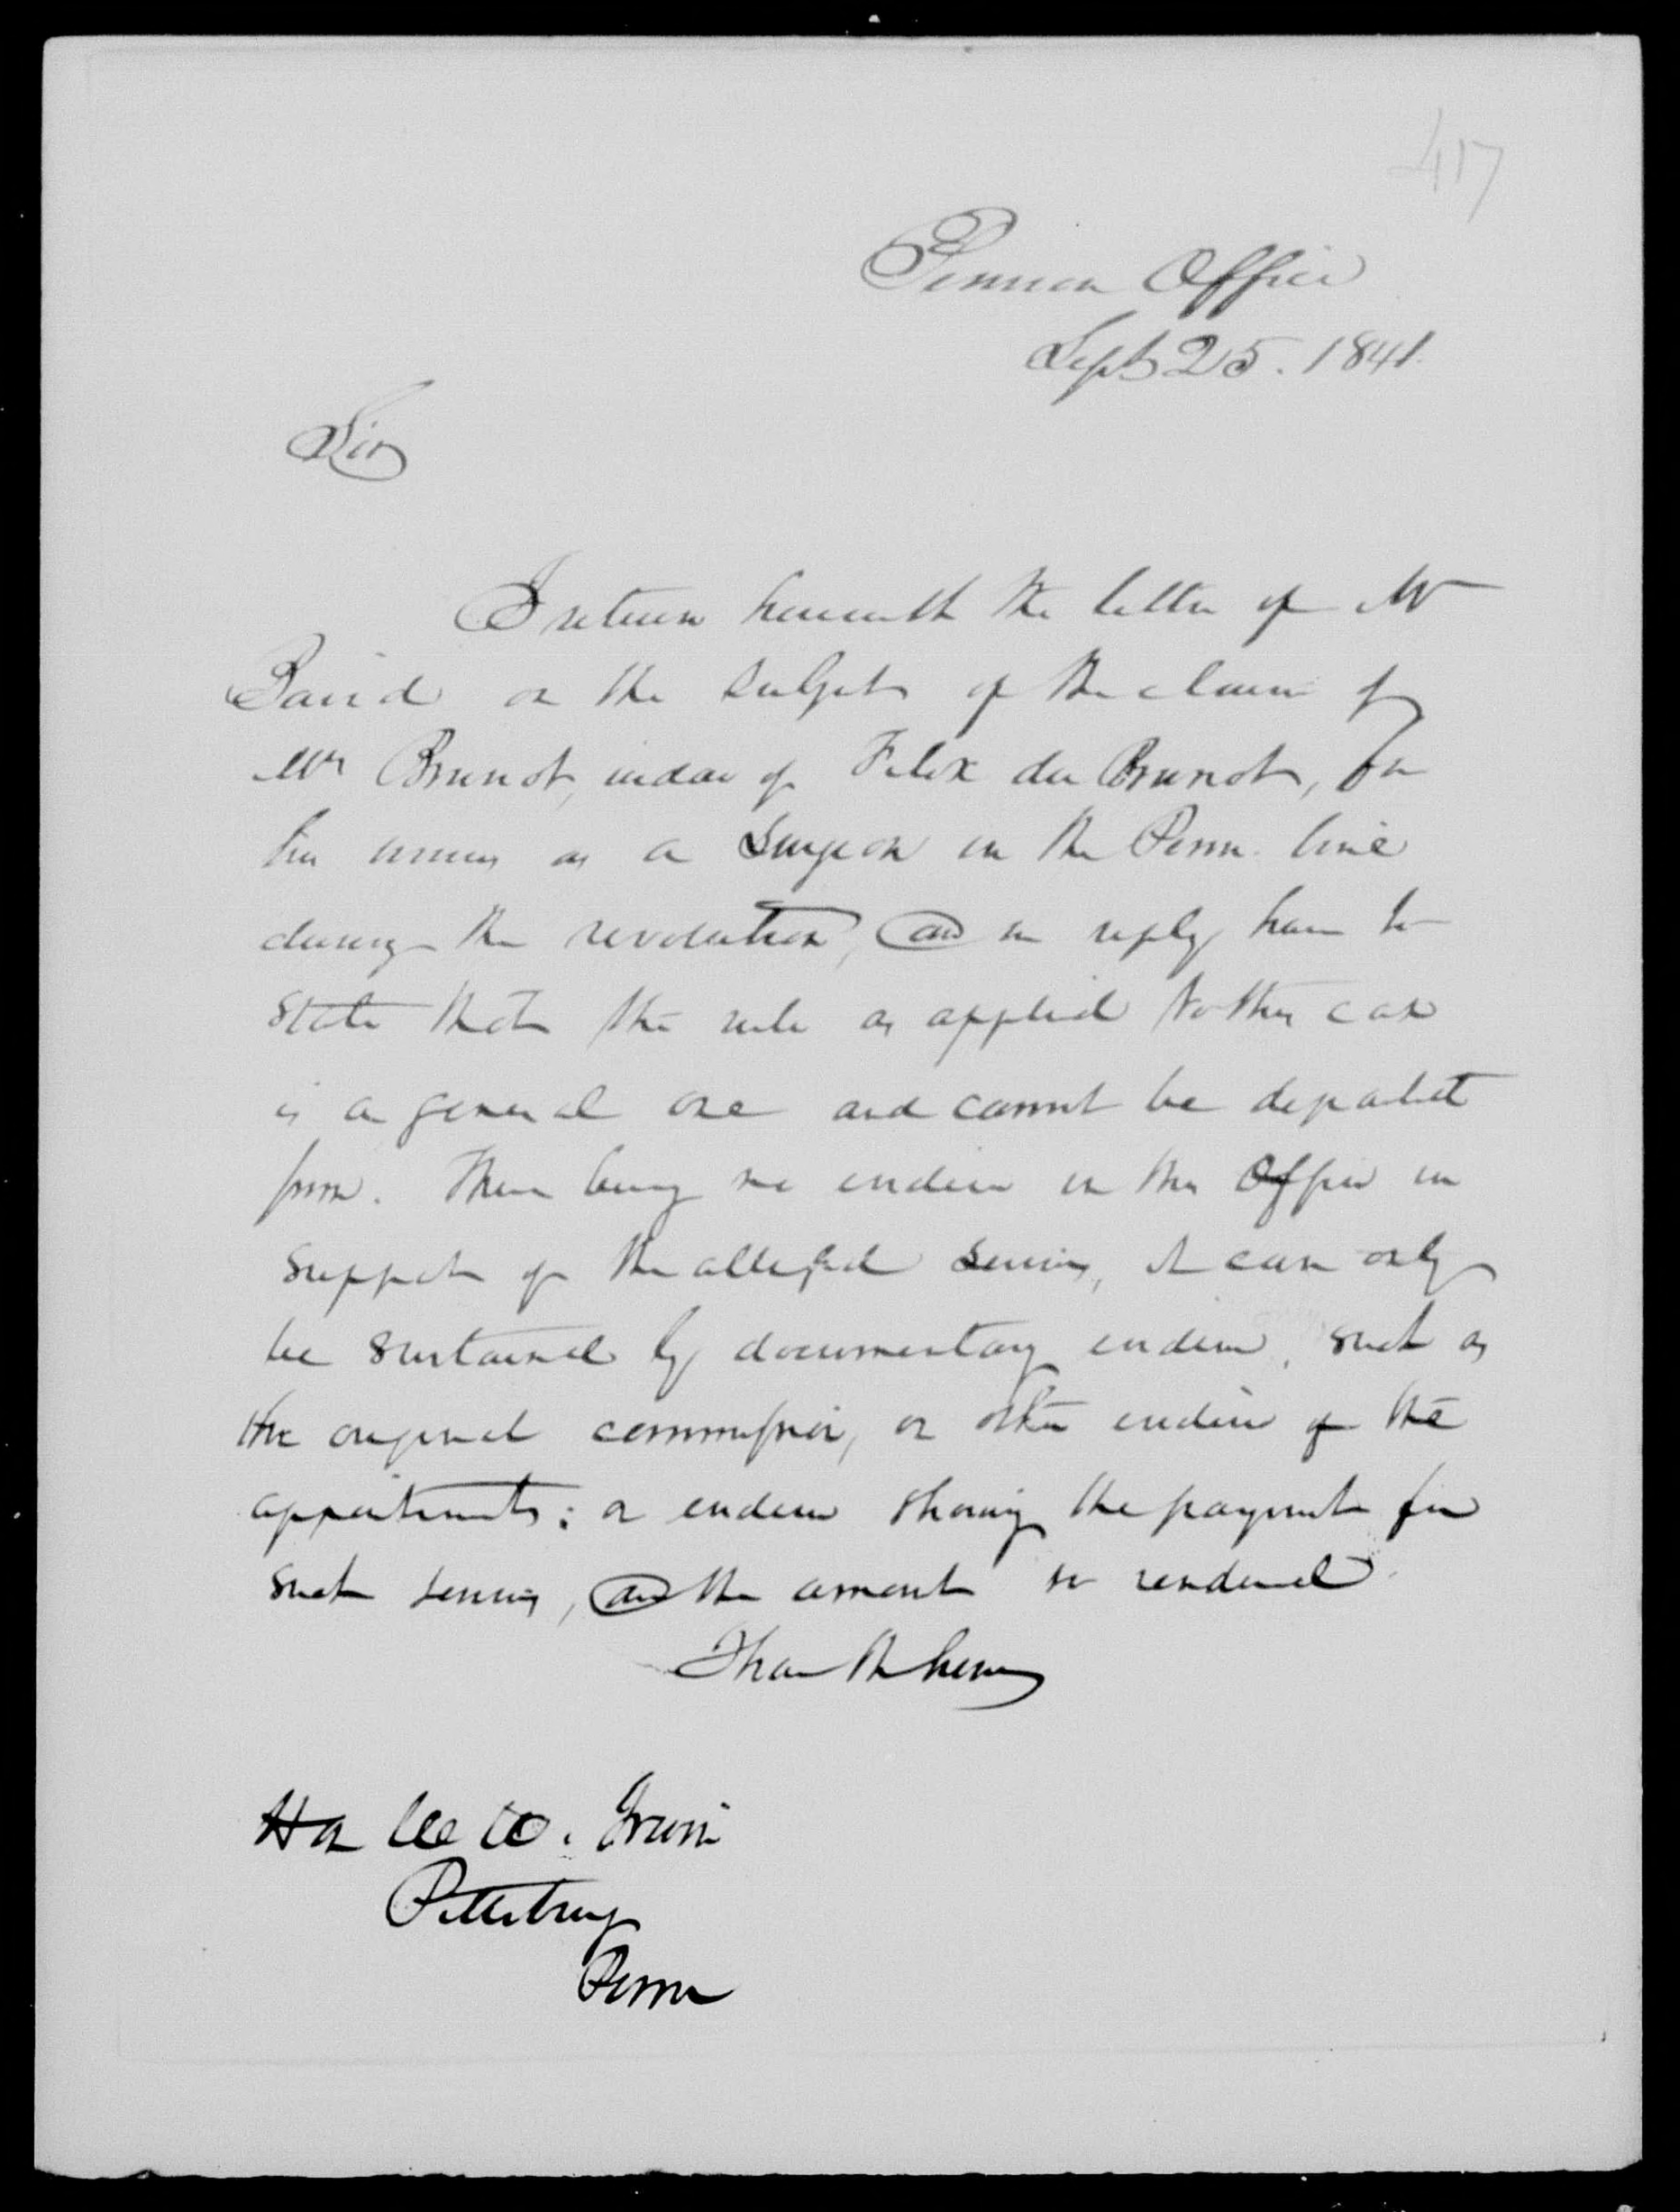Pension Office
Sept 25, 1841
Sir
I return herewith the letter of M Baird on the subject of the claim of Mrs. Brunot, widow of Felix du Brunot, for his [illegible] as a Surgeon in the Penn. line during the revolution and in reply have to state that the rule as applied to this case is a general one and cannot be departed from.  There being no evidence in the Office in Support of the alleged service, I can only be sustained by documentary evidence such as the [illegible], or the evidence of the appointments; or evidence showing the payments for such service and the amount so rendered.
Thas [illegible]
Hon W W Irwin
Pittsburg, Penna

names: Brunot, Irwin, Baird, Felix Brunot, Thas Whew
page: 19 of 34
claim: rejected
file: R. 1371, Felix Brunot, Penn.